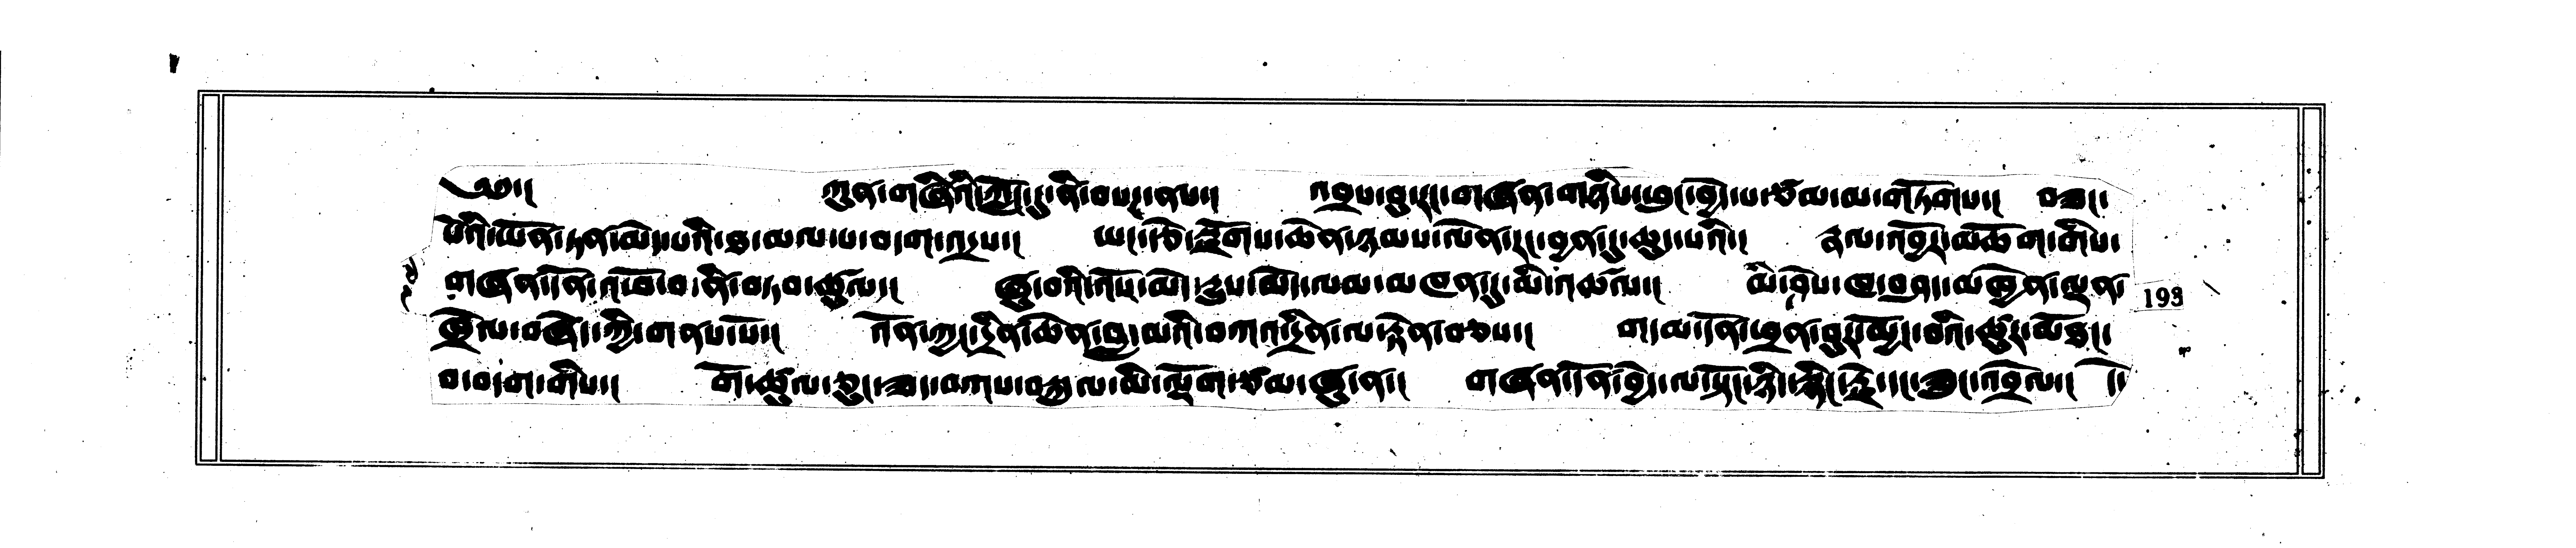ཀུན་གཞིའི་ཀློང་དུ་ནི་བསགས་ནས། །འབྲས་བུ་རང་གཞན་གཉིས་ཕུང་བྱེད་པ་ཙམ་མ་གཏོགས། །བཟང་
བའི་ཡོན་ཏན་མེད་པའི་ཐ་མལ་པ་བདག་འདྲས། །ཡང་རྩེ་རྫོགས་ཆེན་ཉམས་ལེན་རང་བྱན་དུ་ཆུད་པའི། །རྣལ་འབྱོར་མཆོག་གི་
གཞན་དོན་འཕོ་བ་ནི་བཏབ་ཚུལ། །ཞུ་བའི་འོས་མེད་རྒྱུས་མེད་ལམ་མཁན་དུ་མི་འཚལ། །མི་ཤེས་ཁ་བཤད་མཁྱེན་ལྡན་
ཁྲེལ་བཞད་ཀྱི་གནས་སོ། །འོན་ཀྱང་དྲིན་ཅན་བླ་མའི་བཀའ་དྲིན་ལ་བརྟེན་བཅས། །གདམས་དོན་ཕྲན་བུར་མྱོང་བའི་ཚུར་མཐོང་
བ་བདག་གིས། །གོ་ཚུལ་ཅུང་ཟད་བཀས་བསྐུལ་མི་ལྡོག་ཙམ་ཞུ་ན། །གཞན་དོན་བྱེད་ལ་སྟོང་ཉིད་སྙིང་རྗེ་དང་ཟུང་འབྲེལ། །དེ་